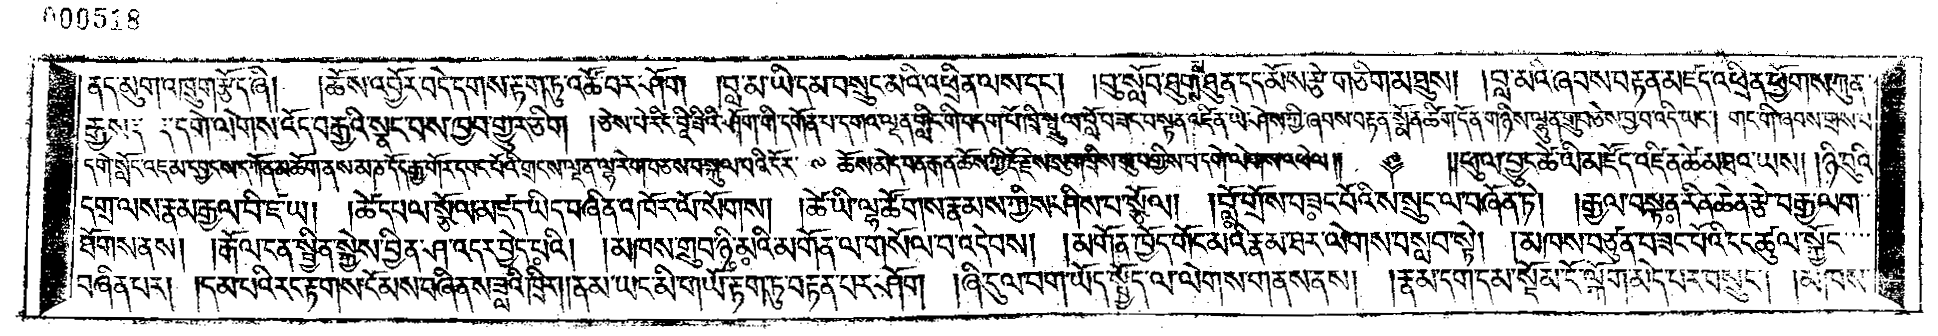ནད་མུག་འཁྲུག་རྩོད་ཞི། །ཆོས་འབྱོར་བདེ་དགས་རྟག་ཏུ་འཚོ་བར་ཤོག །བླ་མ་ཡི་དམ་བསྲུང་མའི་འཕྲིན་ལས་དང་། །བུ་སློབ་ཐུགས་མཐུན་དད་མོས་རྩེ་གཅིག་མཐུས། །བླ་མའི་ཞབས་བརྟན་མཛད་འཕྲིན་ཕྱོགས་ཀུན་
རྒྱས༑ ༑དགེ་ལེགས་འོད་བརྒྱའི་སྣང་བས་ཁྱབ་གྱུར་ཅིག །ཅེས་པེ་རིང་བཱི་ཟིའི་ཤོག་གི་དགོན་པ་དགའ་ལྡན་གླིང་གི་བདག་པོ་ཁྲི་སྤྲུལ་བློ་བཟང་བསྟན་འཛིན་ཡེ་ཤེས་ཀྱི་ཞབས་བརྟན་སྨོན་ཚིག་དོན་གཉིས་ལྷུན་གྲུབ་ཅེས་བྱ་བ་འདི་ཡང་། གང་གི་ཞབས་གྲས་པ་
དགེ་སློང་འཇམ་དབྱངས་དཀོན་མཆོག་ནས་མཎ་དོད་རྒྱ་གོར་དབང་པོའི་གྲངས་ལྡན་ལྷ་རེག་བཅས་བསྐུལ་བའི་ངོར་༧་ཆོས་མེད་བན་རྒན་ཆོས་ཀྱི་རྡོ་རྗེས་སུག་བྲིས་སུ་བགྱིས་པ་དགེ་ལེགས་འཕེལ།། ༈ །།ཕུལ་བྱུང་ཚེ་ཡི་མཛོད་འཛིན་ཚེ་མཐའ་ཡས། །ཉི་བུའི་
དགྲ་ལས་རྣམ་རྒྱལ་བི་ཛ་ཡ། །ཚེ་དཔལ་སྩོལ་མཛད་ཡིད་བཞིན་འཁོར་ལོ་སོགས། །ཚེ་ཡི་ལྷ་ཚོགས་རྣམས་ཀྱིས་ཤིས་པ་སྩོལ། །བློ྾་གྲོས་བཟང྾་པོའི་ས་སྲུང་ལ་བཞོན་ཏེ། །རྒྱལ་བསྟན྾་རིན་ཆེན་རྩེ་བརྒྱ་ལག་
ཐོགས་ནས། །རྒོལ་ངན་སྦྱིན་སྐྱེས་བྱིན་ཤ་འདར་བྱེད་པའི྾། །མཁས་གྲུབ་ཉི྾་མའི྾་མགོན་ལ་གསོལ་བ་འདེབས། །མགོན་ཁྱོད་གོང་མའི་རྣམ་ཐར་ལེགས་བསླབ་སྟེ། །མཁས་བཙུན་བཟང་པོའི་ངང་ཚུལ་སྐྱོང་
བཞིན་པར། །དམ་པའི་རང་རྟགས་ངོམས་བཞིན་ས་ཟླའི་ཁྲིར། །ནམ་ཡང་མི་གཡོ་རྟག་ཏུ་བརྟན་པར་ཤོག །ཞི་དུལ་བག་ཡོད་སྤྱོད་ལ་ལེགས་གནས་ནས། །རྣམ་དག་དམ་སྡོམ་ངོ་ལྐོག་མེད་པར་བསྲུང་། །མཁས་